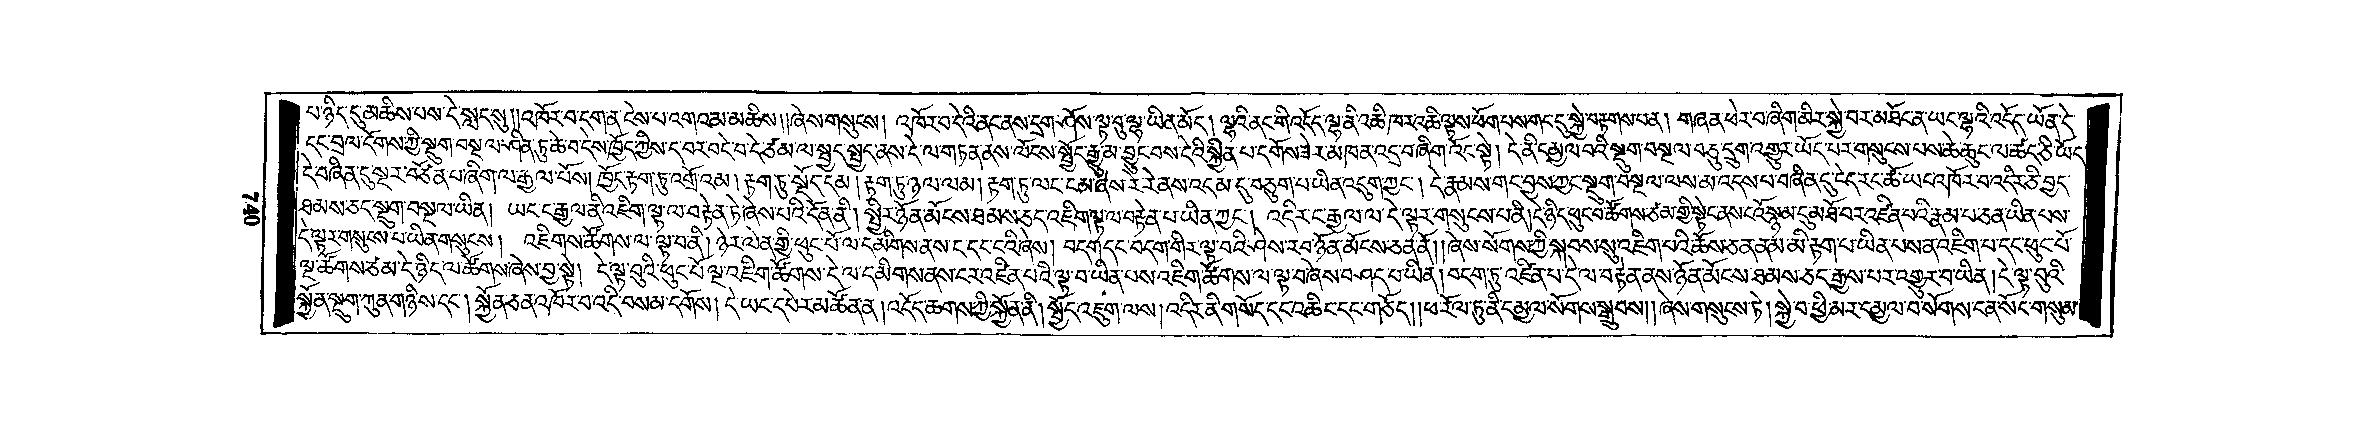པ་ཉིད་མཆིས་པས་དེ་སླད་སུ། །འཁོར་བ་དག་ན་ངེས་པ་འགའ་མ་མཆིས། །ཞེས་གསུངས། འཁོར་བ་དེའི་ནང་ནས་དྲག་ཤོས་ལྟ་བུ་ལྷ་ཡིན་མོད། ལྷའི་ནང་གི་འདོད་ལྷ་ནི་འཆི་ཁར་འཆི་ལྟས་ཕོག་པས་གང་དུ་སྐྱེ་བརྟགས་པ་ན། གཞན་ཕེར་བ་ཞིག་མིར་སྐྱེ་བར་མཐོང་ན་ཡང་ལྷའི་འདོད་ཡོན་དེ་
དང་བྲལ་དོགས་ཀྱི་སྡུག་བསྔལ་ཤིན་ཏུ་ཆེ་བ་དེས་ཁྱོད་ཀྱིས་ད་བར་བདེ་བ་དེ་ཙམ་ལ་སྤྱད་སྤྱད་ནས་དེ་ལ་གཏན་ནས་ལོངས་སྤྱོད་རྒྱུ་མ་བྱུང་བས་དེའི་སྐྱིན་པ་དགོས་ཟེར་མཁན་འདྲ་བ་ཞིག་འོང་སྟེ། དེ་ནི་དམྱལ་བའི་སྡུག་བསྔལ་བཅུ་དྲུག་འགྱུར་ཡོད་པར་གསུངས་བྤས་ཆེ་ཆུང་ལ་ཚད་ཅི་ཡོད་
དེ་བཞིན་དུ་སྔར་བཙོན་པ་ཞིག་ལ་རྒྱལ་པོས། ཁྱོད་རྟག་ཏུ་འགྲོ་འམ། རྟག་ཏུ་སྡོད་དམ། རྟག་ཏུ་ཉལ་ལམ། རྟག་ཏུ་ལང་ངམ་ཞེས་རེ་རེ་ནས་འདམ་དུ་བཅུག་པ་ཡིན་འདུག་ཀྱང་། དེ་རྣམས་གང་བྱས་ཀྱང་སྡུག་བསྔལ་ལས་མ་འདས་པ་བཞིན་དུ་ངེད་རང་ཚོ་ཡང་འཁོར་བ་འདིར་ཅི་བྱད་
ཐམས་ཅད་སྡུག་བསྔལ་ཡིན། ཡང་ང་རྒྱལ་ནི་འཇིག་ལྟ་ལ་བརྟེན་ཏེ་ཞེས་པའི་དོན་ནི། སྤྱིར་ཉོན་མོངས་ཐམས་ཅད་འཇིག་ལྟ་ལ་བརྟེན་པ་ཡིན་ཀྱང་། འདིར་ང་རྒྱལ་ལ་དེ་ལྟར་གསུངས་པ་ནི། དེ་ཉིད་ཕུང་པ་ཚོགས་ཙམ་གྱི་སྟེང་ནས་ངའོ་སྙམ་དུ་མཐོ་བར་འཛིན་པའི་རྣམ་པ་ཅན་ཡིན་པས་
དེ་ལྟར་གསུངས་པ་ཡིན་གསུངས། འཇིགས་ཚོགས་ལ་ལྟ་བ་ནི། ཉེར་ལེན་གྱི་ཕུང་པོ་ལ་དམིགས་ནས་ང་དང་ངའི་ཞེས། བདག་དང་བདག་གིར་ལྟ་བའི་ཤེས་རབ་ཉོན་མོངས་ཅན་ནོ། །ཞེས་སོགས་ཀྱི་སྐབས་སུ་འཇིག་པའི་ཆོས་ཅན་ནམ་མི་རྟག་པ་ཡིན་པས་ན་འཇིག་པ་དང་ཕུང་པོ་
ལྔ་ཚོགས་ཙམ་དེ་ཉིད་ལ་ཚོགས་ཞེས་བྱ་སྟེ། དེ་ལྟ་བུའི་ཕུང་པོ་ལྔ་འཇིག་ཚོགས་དེ་ལ་དམིགས་ནས་ང་རང་འཛིན་པའི་ལྟ་བ་ཡིན་པས་འཇིག་ཚོགས་ལ་ལ་ཞེས་བཤད་པ་ཡིན། བདག་ཏུ་འཛིན་པ་དེ་ལ་བརྟེན་ནས་ཉོན་མོངས་ཐམས་ཅད་རྒྱས་པར་འགྱུར་བ་ཡིན། དེ་ལྟ་བུའི་
སྐྱོན་སྡུག་ཀུན་གཉིས་དང་། སྐྱོན་ཅན་འཁོར་བ་འདིས་བསམ་དགོས། དེ་ཡང་དཔེར་མཚོན་ན། འདོད་ཆགས་ཀྱི་སྐྱོན་ནི། སྤྱོད་འཇུག་ལས། འདིར་ནི་གསོད་དང་འཆིང་དང་གཅོད། །ཕ་རོལ་ཏུ་ནི་དམྱལ་སོགས་སྒྲུབས། །ཞེས་གསུངས་ཏེ། སྐྱེ་བ་ཕྱི་མར་དམྱལ་བ་སོགས་ངན་སོང་གསུམ་